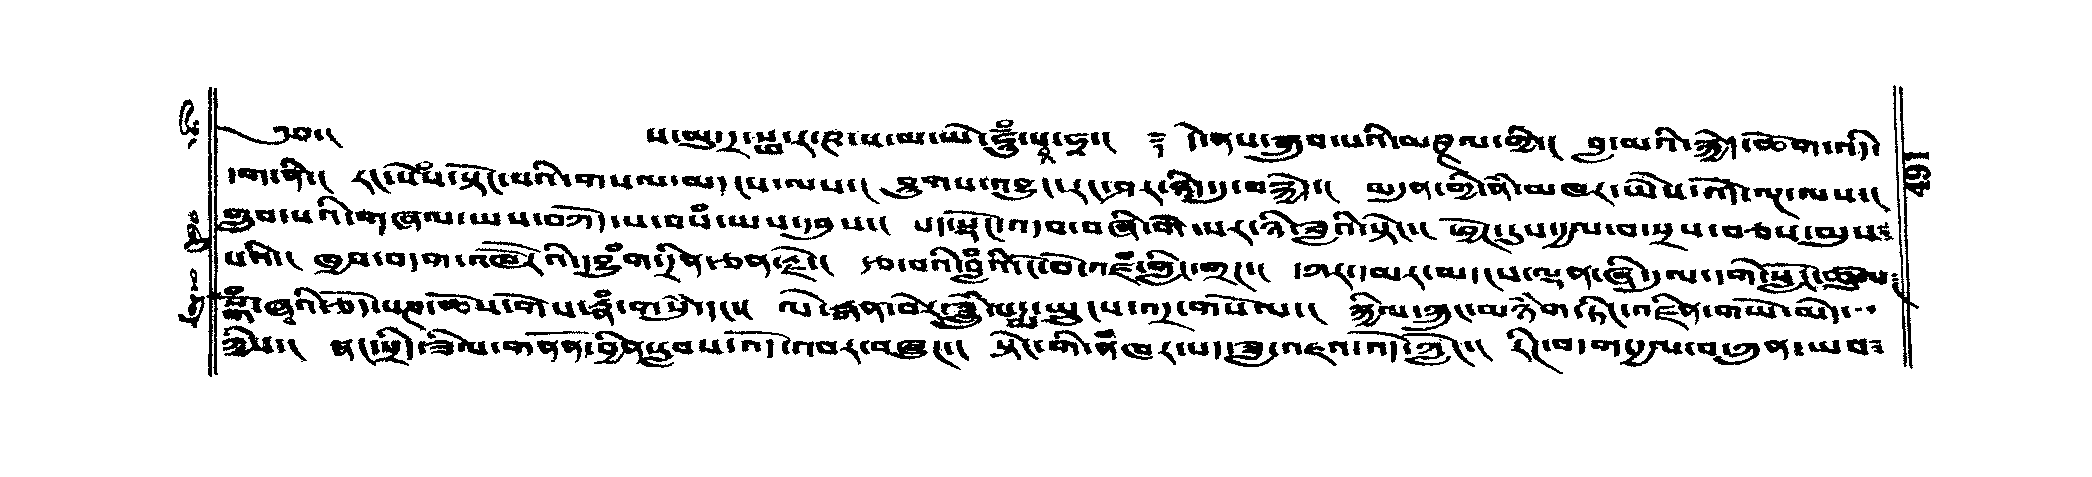ས་མུ་དྲ་སྥ་ར་ཎ་ས་མ་ཡེ་ཧཱུྂ་སྭཱ་ཧཱ། ༈ དེ་ནས་སྒྲུབ་པའི་མཎྜལ་གྱི། །བླ་མའི་སྐྱེད་ཆོག་འདི་
དག་ནི། །རང་སེམས་སྟོང་པའི་གསལ་མདངས་ལས། །ཤུགས་འབྱུང་རང་ཤར་ཉིད་དུ་བསྐྱེད། །མདུན་གྱི་ནམ་མཁར་ཡེ་ཤེས་འོད་ལྔ་ལས། །
གྲུབ་པའི་གཞལ་ཡས་བཀོད་པ་བསམ་ཡས་དབུས། །པད་སྡོང་འདབ་བཞི་གེ་སར་ཉི་ཟླའི་སྟེང་། །ཕྱོགས་དུས་རྒྱལ་བ་སྲས་བཅས་མ་ལུས་
པའི། །ཁྱབ་བདག་འཁོར་ལོའི་དབང་ཕྱུག་དྲིན་ཅན་རྗེ། །རྩ་བའི་བླ་མའི་ངོ་བོ་འཛམ་གླིང་གྲགས། །དཀར་དམར་མདངས་ལྡན་ཞི་དུལ་དགེ་སློང་ཚུལ། །
སྒོམ་ཞྭའི་ཅོད་པཎ་ཆོས་གོས་རྣམ་གསུམ་དང་། །ལེ་རྒན་བེར་ཟླུམ་པདྨ་སྤུངས་འདྲ་གསོལ། །སྐྱིལ་སྐྲུང་མཉམ་གཞག་ཏིང་འཛིན་གཡོ་མེད་
ཀྱིས། །སྣང་སྲིད་ཟིལ་གནོན་བྱིན་རླབས་འོད་འབར་བཞུགས། །སྟེང་གི་ནམ་མཁར་པད་ཟླ་འཇའ་འོད་ཀློང་། །རིགས་བདག་རྒྱལ་བ་ཀུན་ཡབ་